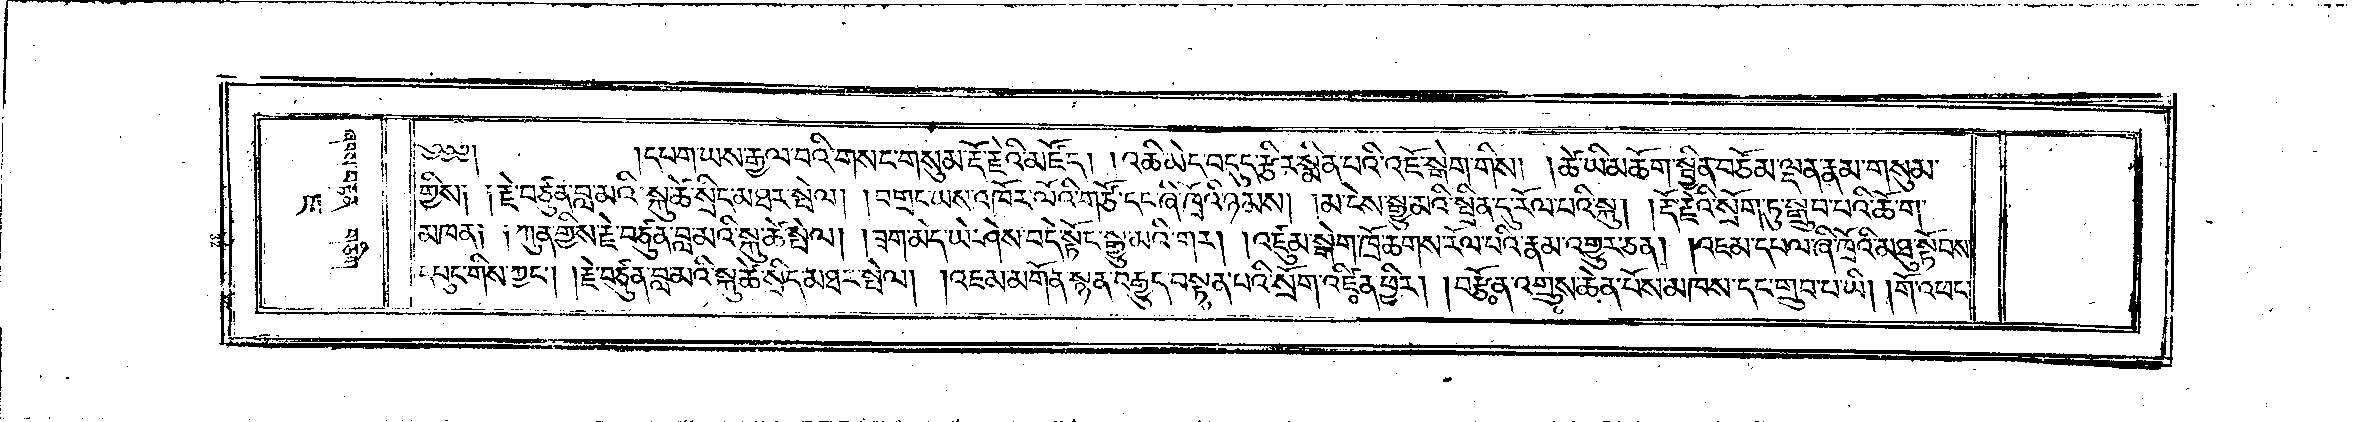༄༅༅། །དཔག་ཡས་རྒྱལ་བའི་གསང་གསུམ་རྡོ་རྗེའི་མཛོད། །འཆི་མེད་བདུད་རྩིར་སྨིན་པའི་འཇོ་སྒེག་གིས། །ཚེ་ཡི་མཆོག་སྦྱིན་བཅོམ་ལྡན་རྣམ་གསུམ་
གྱིས༑ ༑རྗེ་བཙུན་བླ་མའི་སྐུ་ཚེ་སྲིད་མཐར་སྤེལ། །བགྲང་ཡས་འཁོར་ལོའི་གཙོ་དང་ཞི་ཁྲོའི་ཉམས། །མ་ངེས་སྒྱུ་མའི་སྤྲིན་དུ་རོལ་པའི་སྐུ། །རྡོ་རྗེའི་སྲོག་ཏུ་སྒྲུབ་པའི་ཆོ་ག་
མཁན༑ ༑ཀུན་གྱིས་རྗེ་བཙུན་བླ་མའི་སྐུ་ཚེ་སྤེལ། །ཟག་མེད་ཡེ་ཤེས་བདེ་སྟོང་སྒྱུ་མའི་གར། །འཛུམ་སྒེག་ཁྲོ་ཆགས་རོལ་པའི་རྣམ་འགྱུར་ཅན། །འཇམ་དཔལ་ཞི་ཁྲོའི་མཐུ་སྟོབས་
དཔུང་གིས་ཀྱང་། །རྗེ་བཙུན་བླ་མའི་སྐུ་ཚེ་སྲིད་མཐར་སྤེལ། །འཇམ་མགོན་སྙན་བརྒྱུད་བསྟན་པའི་སྲོག་འཛིན་ཕྱིར། །བརྩོན་འགྲུས་ཆེན་པོས་མཁས་དང་གྲུབ་པ་ཡི། །གོ་འཕང་